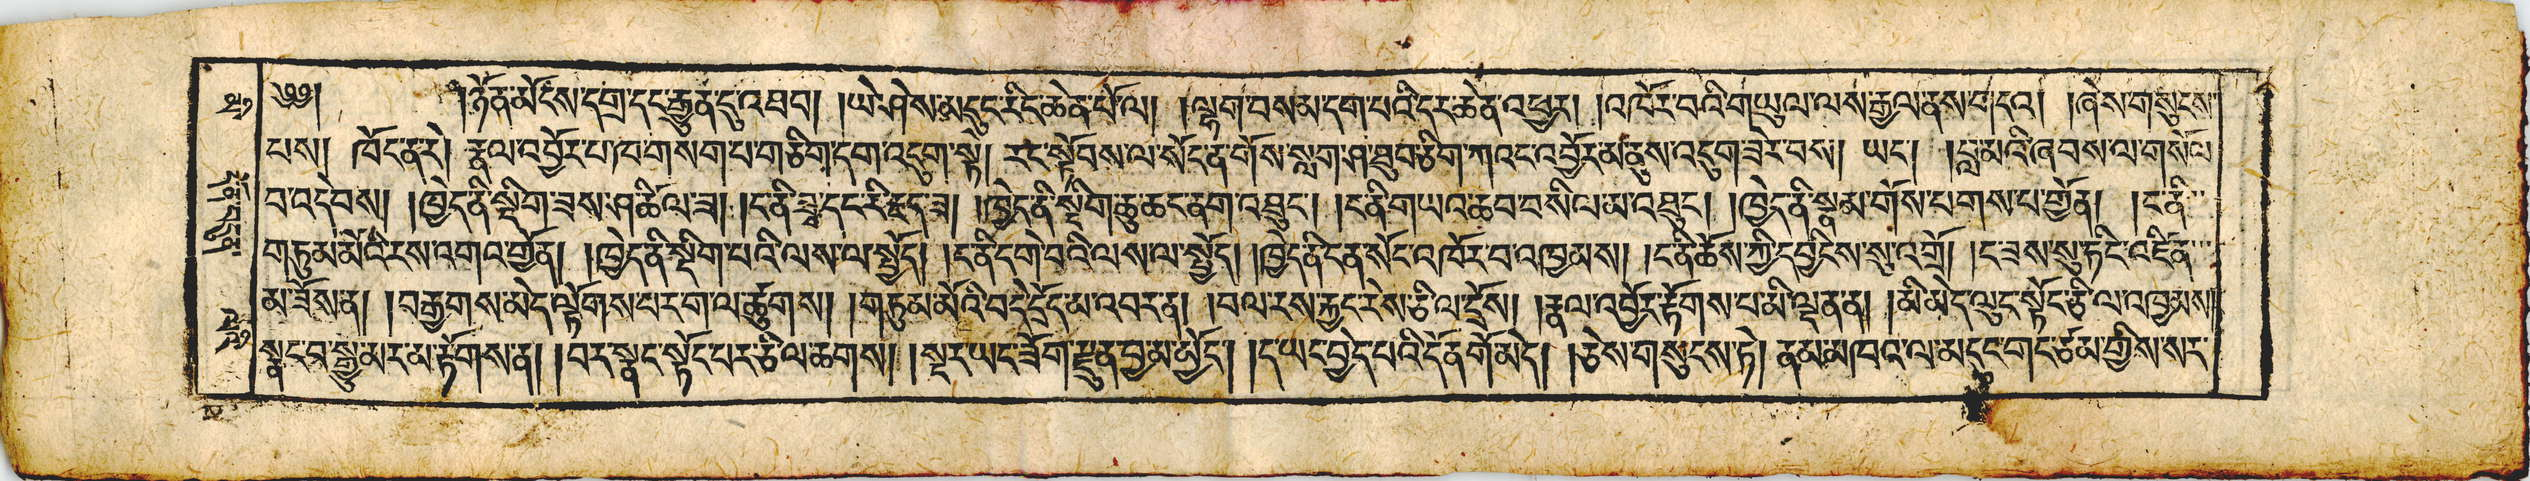ཉོན་མོངས་དགྲ་དང་རྒྱུན་དུ་འཐང། །ཡེ་ཤེས་མདུང་རིང་ཆེན་པོ་ལ། །ལྷག་བསམ་དག་པའི་དར་ཆེན་འཕྱར། །འཁོར་བའི་གཡུལ་ལས་རྒྱལ་ནས་འདའ། །ཞེས་གསུངས་
པས། ཁོ་ན་རེ། རྣལ་འབྱོར་པ་ཁ་གསག་པ་གཅིག་དག་འདུག་སྟེ། རང་སྟོབས་ལ་སོང་ན་གོས་སླག་ཤ་ཐུབ་ཅིག་ཀའང་འབྱོར་མ་ནུས་འདུག་ཟེར་བས། ཡང་། །བླ་མའི་ཞབས་ལ་གསོལ་
བ་འདེབས། །ཁྱེད་ནི་སྡིག་ཟས་ཤ་ཚིལ་ཟ། །ང་ནི་ཟྭ་དང་རི་རྔད་ཟ། །ཁྱོད་ནི་སྡིག་ཆུ་ཆང་ནག་འཐུང་། །ང་ནི་གཡའ་ཆབ་བསིལ་མ་འཐུང། །ཁྱེད་ནི་སྣུམ་གོས་པགས་པ་གྱོན། །ང་ནི་
གཏུམ་མོའི་རས་འགའ་གྱོན། །ཁྱེད་ནི་སྡིག་པའི་ལས་ལ་སྤྱོད། །ང་ནི་དག་པའི་ལས་ལ་སྤྱོད། །ཁྱེད་ནི་ངན་སོང་འཁོར་བ་འཁྱམས། །ང་ནི་ཆོས་ཀྱི་དབྱིངས་སུ་འགྲོ། །ང་ཟས་སུ་ཏང་འཛིན་
མ་ཟོས་ན། །བརྒྱགས་མེད་ལྟོགས་པར་ག་ལ་ཚུགས། །གཏུམ་མོའི་བདེ་དྲོད་མ་འབར་ན། །བལ་རས་རྐྱང་རེས་ཅི་ལ་དྲོས། །རྣལ་འབྱོར་རྟོགས་པ་མི་ལྡན་ན། །མི་མེད་ལུང་སྟོང་ཅི་ལ་འཁྱམས། །
སྣང་བ་སྒྱུ་མར་མ་རྟོགས་ན། །བར་སྣང་སྟོང་པར་ཅི་ལ་ཆགས། །སྔར་ཡང་ཟོག་རྫུན་བྱ་མ་མྱོང་། །ད་ཡང་བྱེད་པའི་དོན་གོ་མེད། །ཅེས་གསུངས་ཏེ། ནམ་མཁའ་ལ་མདུང་གང་ཙམ་གྱིས་སར་